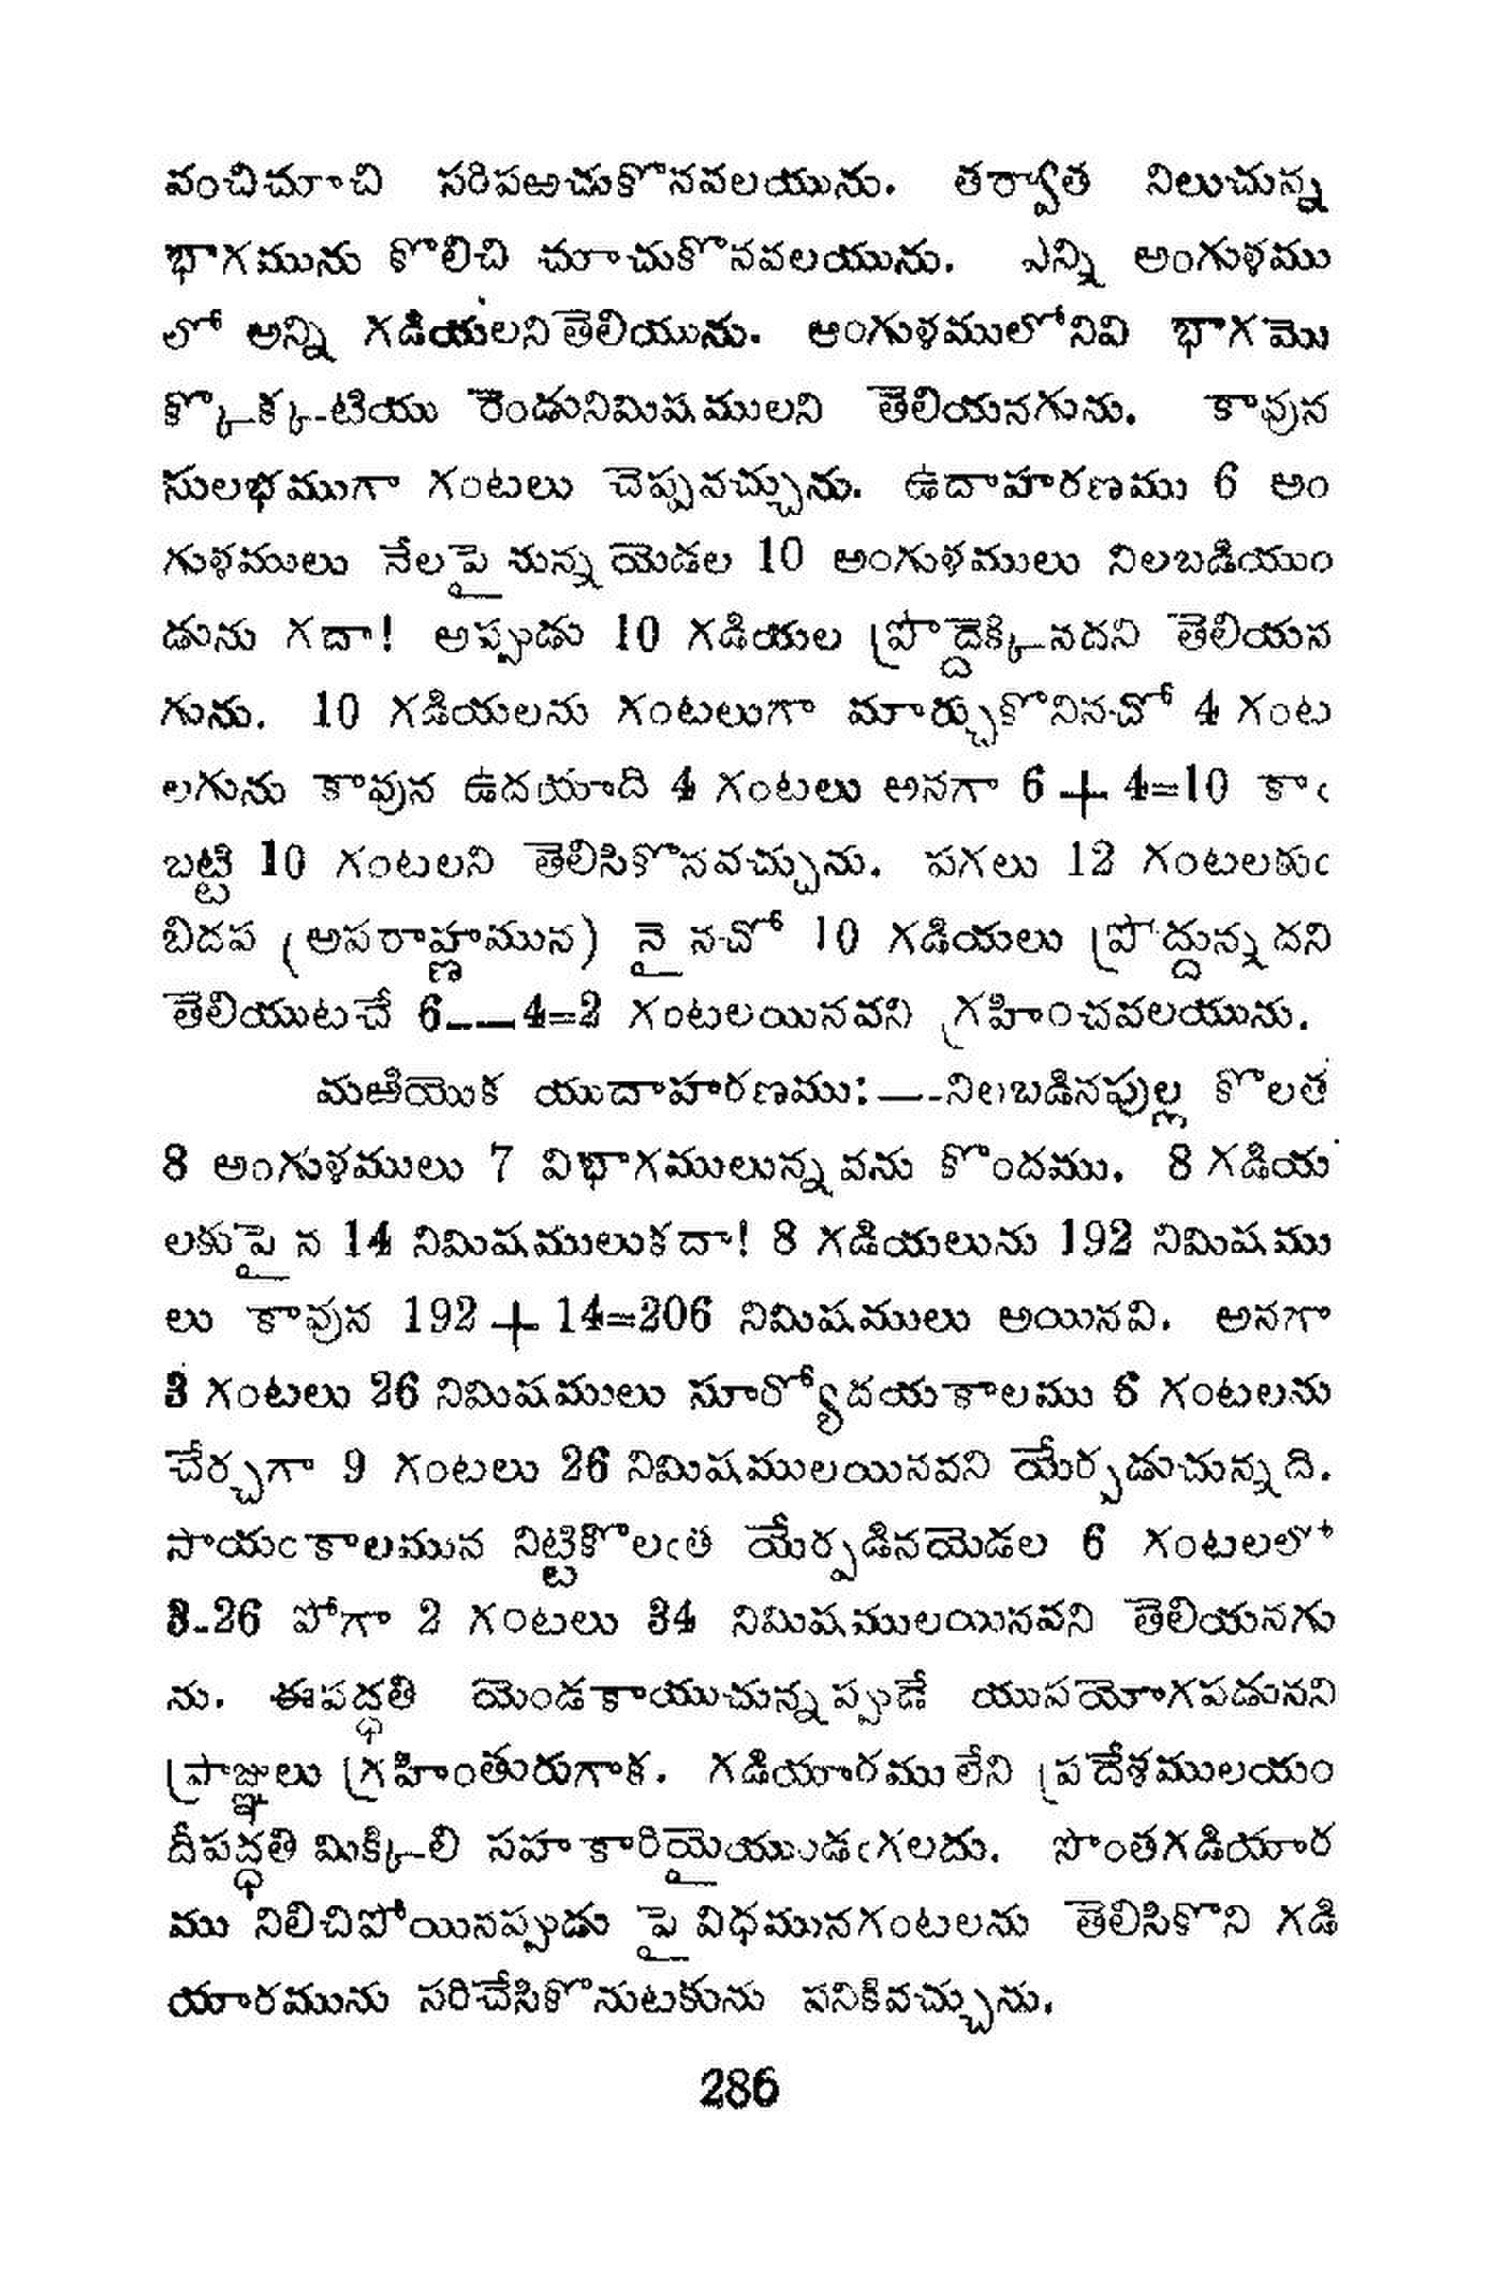వంచిచూసి సరిపఱచుకొనవలయును. తర్వాత నిలుచున్న భాగమును కొలిచి చూచుకొనవలయును. ఎన్ని అంగుళములో అన్ని గడియలనితెలియును. అంగుళములోనివి భాగమొక్కొక్కటియు రెండునిమిషములని తెలియనగును. కావున సులభముగా గంటలు చెప్పవచ్చును. ఉదాహరణము 6 అంగుళములు నేలపై నున్నయెడల 10 అంగుళములు నిలబడియుండునుగదా! అప్పుడు 10 గడియల ప్రొద్దెక్కినదని తెలియనగును. 10 గడియలను గంటలుగా మూర్చుకొనినచో 4 గంటలు అనగా 6 + 4 = 10 కాబట్టి 10 గంటలని తెలిసికొనవచ్చును. పగలు 12 గంటలకు బిదప (అపరాహ్ణమున) నైనచో 10 గడియలు ప్రొద్దున్నదని తెలియుటచే 6 - 4 = 2 గంటలయినవని గ్రహించవలయును.
 
మఱియొక యుదాహరణము:- నిలబడినపుల్ల కొలత 8 అంగుళములు 7 విభాగములున్నవను కొందము. 8 గడియలకుపైన 14 నిమిషములుగదా! 8 గడియలును 192 నిమిషములు కావున 192 + 14 = 206 నిమిషములు అయినవి. అనగా 3 గంటలు 26 నిమిషములు సూర్యోదయకాలము 6 గంటలను చేర్చగా 9 గంటలు 26 నిమిషములయినవని యేర్పడుచున్నది. సాయంకాలమున నిట్టికొలత యేర్పడినయెడల 6 గంటలలో 3-36 పోగా 2 గంటలు 34 నిమిషములయినవని తెలియనగును. ఈ పద్దతి యెండకాయుచున్నప్పుడే యుపయోగపడునని ప్రాజ్ఞులు గ్రహింతురుగాక. గడియరములేని ప్రదేశముల యం దీపద్దతి మిక్కిలి సహకారియైయుండగలదు. సొంతగడియారము నిలిచిపోయినప్పుడు పై విధమునగంతలను తెలిసికొని గడియారమును సరిచేసికొనుటకును పనికివచ్చును.